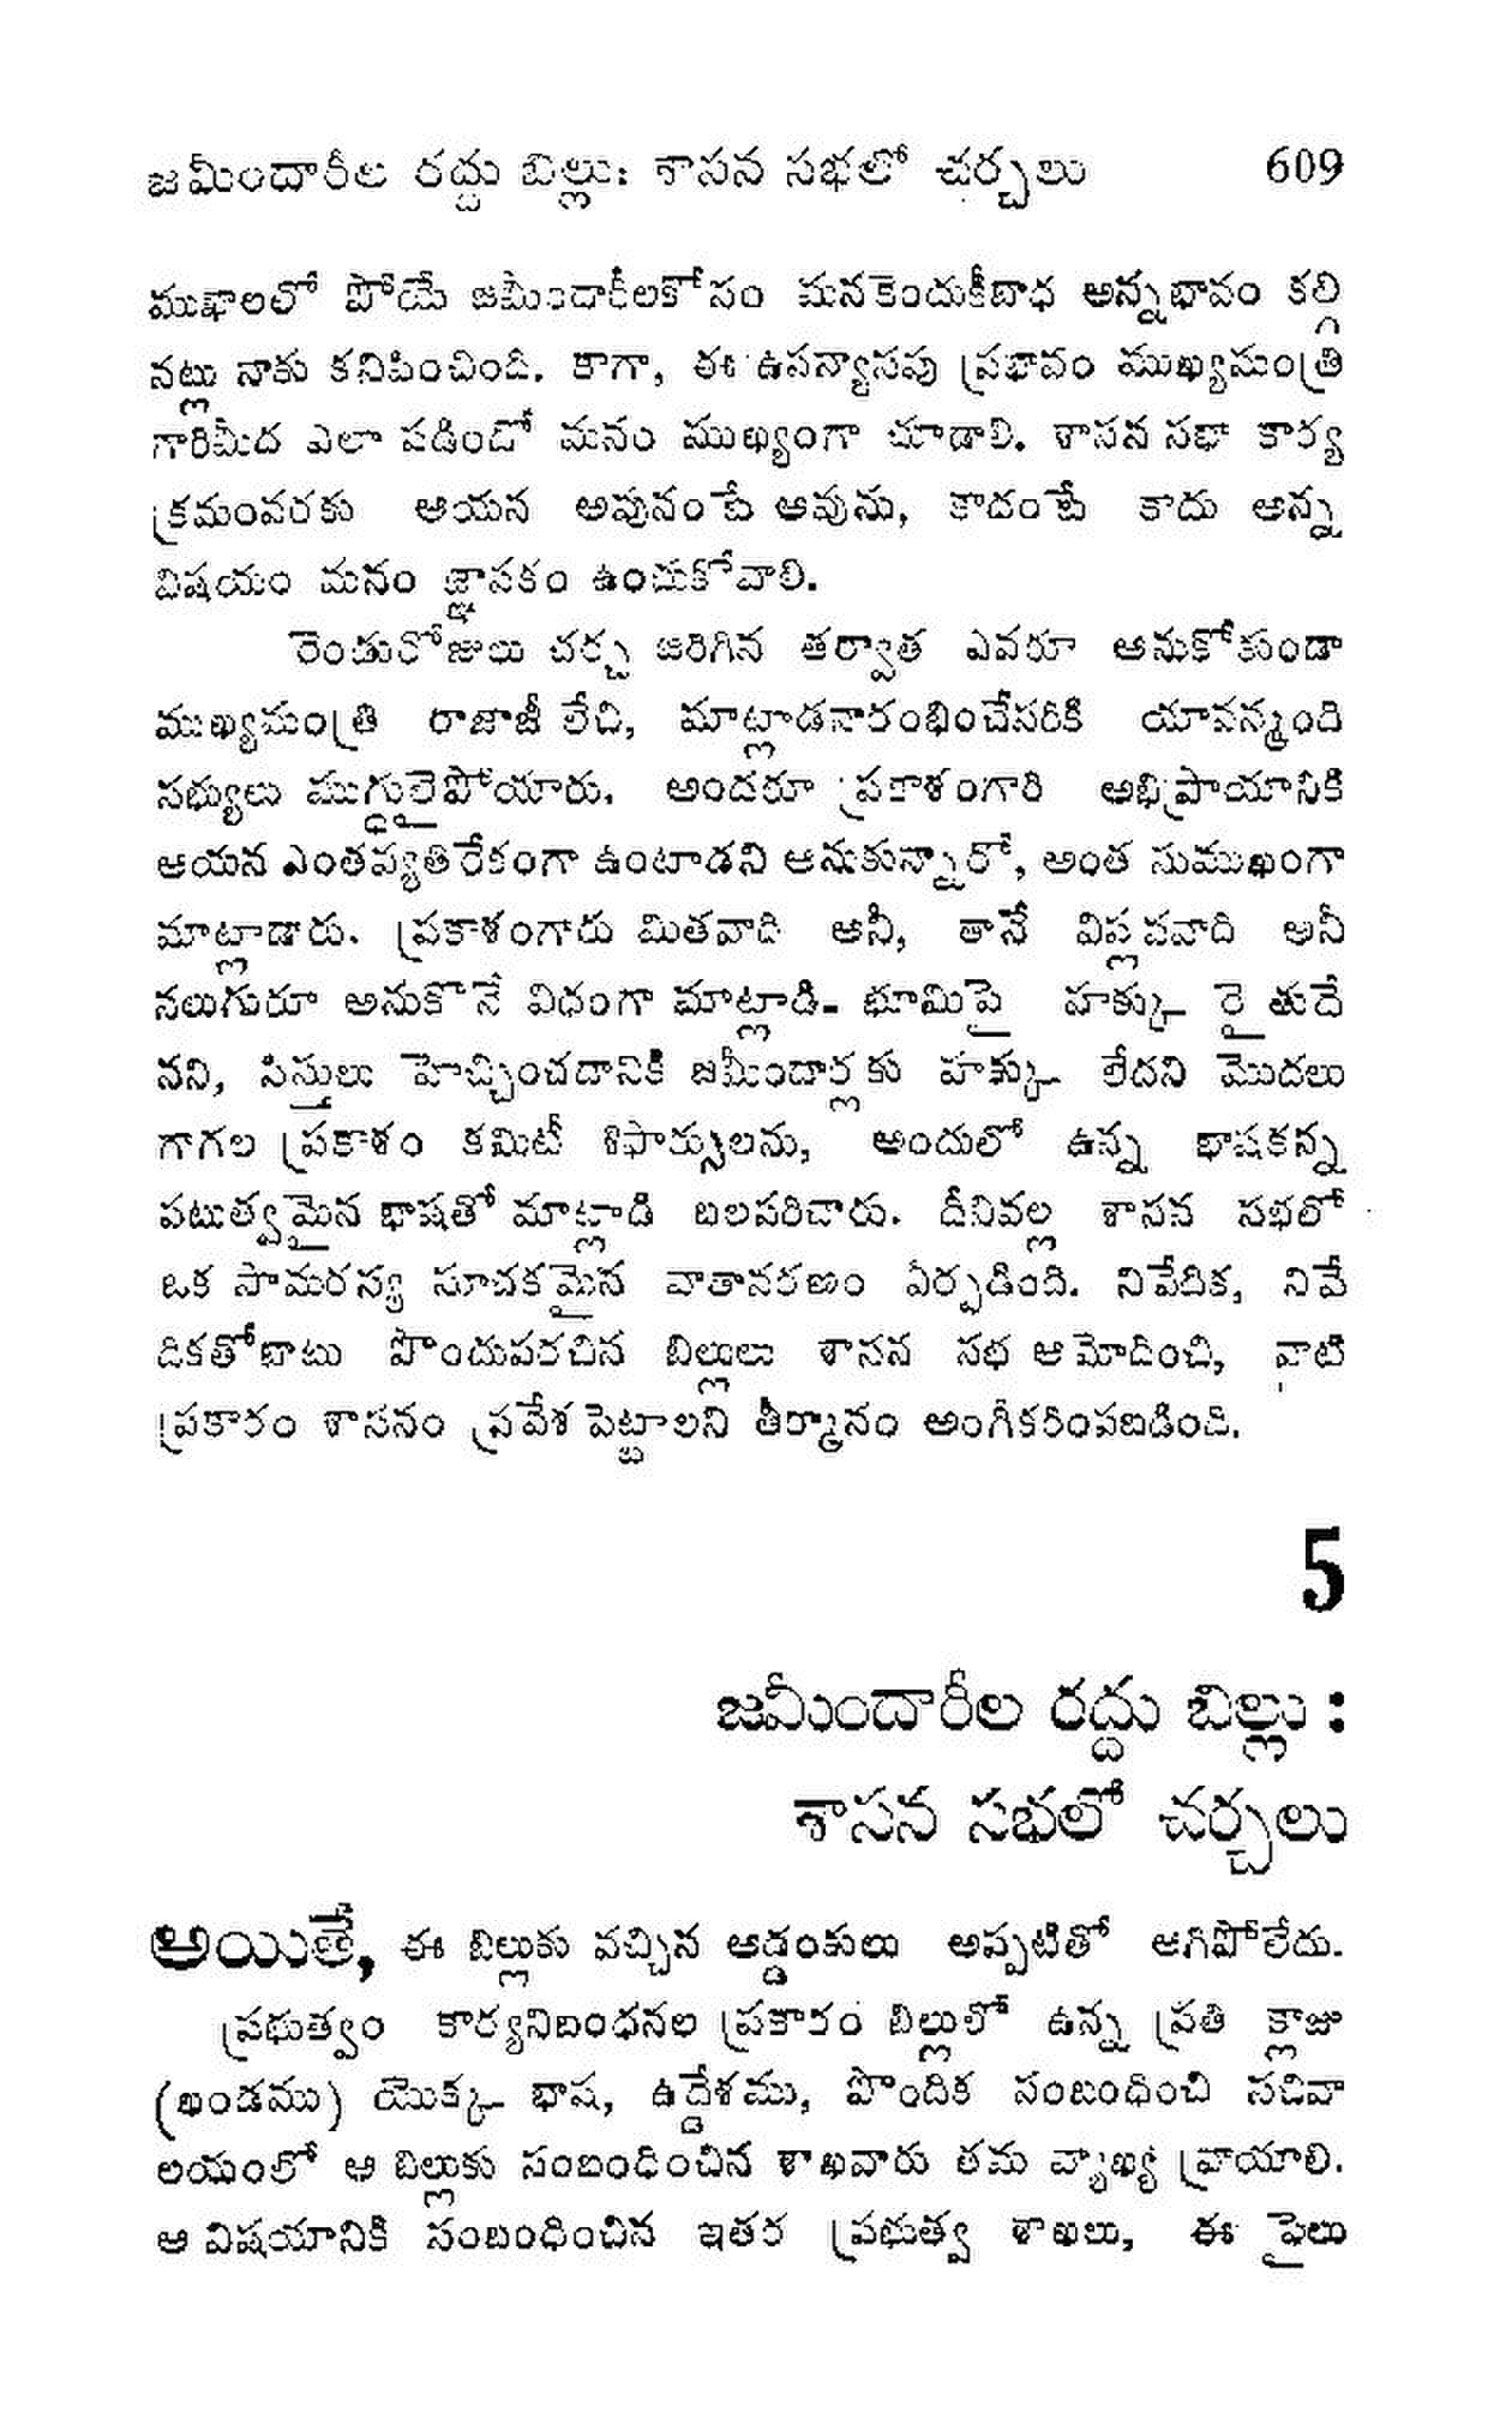ముఖాలలో పోయే జమీందారీలకోసం మనకెందుకీబాధ అన్నభావం కల్గినట్లు నాకు కనిపించింది. కాగా, ఈ ఉపన్యాసపు ప్రభావం ముఖ్యమంత్రిగారిమీద ఎలా పడిందో మనం ముఖ్యంగా చూడాలి. శాసన సభా కార్యక్రమంవరకు ఆయన అవునంటే అవును, కాదంటే కాదు అన్న విషయం మనం జ్ఞాపకం ఉంచుకోవాలి.

రెండురోజులు చర్చ జరిగిన తర్వాత ఎవరూ అనుకోకుండా ముఖ్యమంత్రి రాజాజీ లేచి, మాట్లాడనారంభించేసరికి యావన్మంది సభ్యులు ముగ్దులైపోయారు. అందరూ ప్రకాశంగారి అభిప్రాయానికి ఆయన ఎంతవ్యతిరేకంగా ఉంటాడని అనుకున్నారో, అంత సుముఖంగా మాట్లాడారు. ప్రకాశంగారు మితవాది అనీ, తానే విప్లవవాది అనీ నలుగురూ అనుకొనే విధంగా మాట్లాడి - భూమిపై హక్కు రైతుదేనని, సిస్తులు హెచ్చించడానికి జమీందార్లకు హక్కు లేదని మొదలుగాగల ప్రకాశం కమిటీ శిఫార్సులను, అందులో ఉన్న భాషకన్న పటుత్వమైన భాషతో మాట్లాడి బలపరిచారు. దీనివల్ల శాసన సభలో ఒక సామరస్య సూచకమైన వాతావరణం ఏర్పడింది. నివేదిక, నివేదికతోబాటు పొందుపరచిన బిల్లులు శాసన సభ ఆమోదించి, వాటి ప్రకారం శాసనం ప్రవేశపెట్టాలని తీర్మానం అంగీకరింపబడింది.

అయితే, ఈ బిల్లుకు వచ్చిన అడ్డంకులు అప్పటితో ఆగిపోలేదు. ప్రభుత్వం కార్యనిబంధనల ప్రకారం బిల్లులో ఉన్న ప్రతి క్లాజు (ఖండము) యొక్క భాష, ఉద్దేశము, పొందిక సంబంధించి సచివాలయంలో ఆ బిల్లుకు సంబంధించిన శాఖవారు తమ వ్యాఖ్య వ్రాయాలి. ఆ విషయానికి సంబంధించిన ఇతర ప్రభుత్వ శాఖలు, ఈ ఫైలు